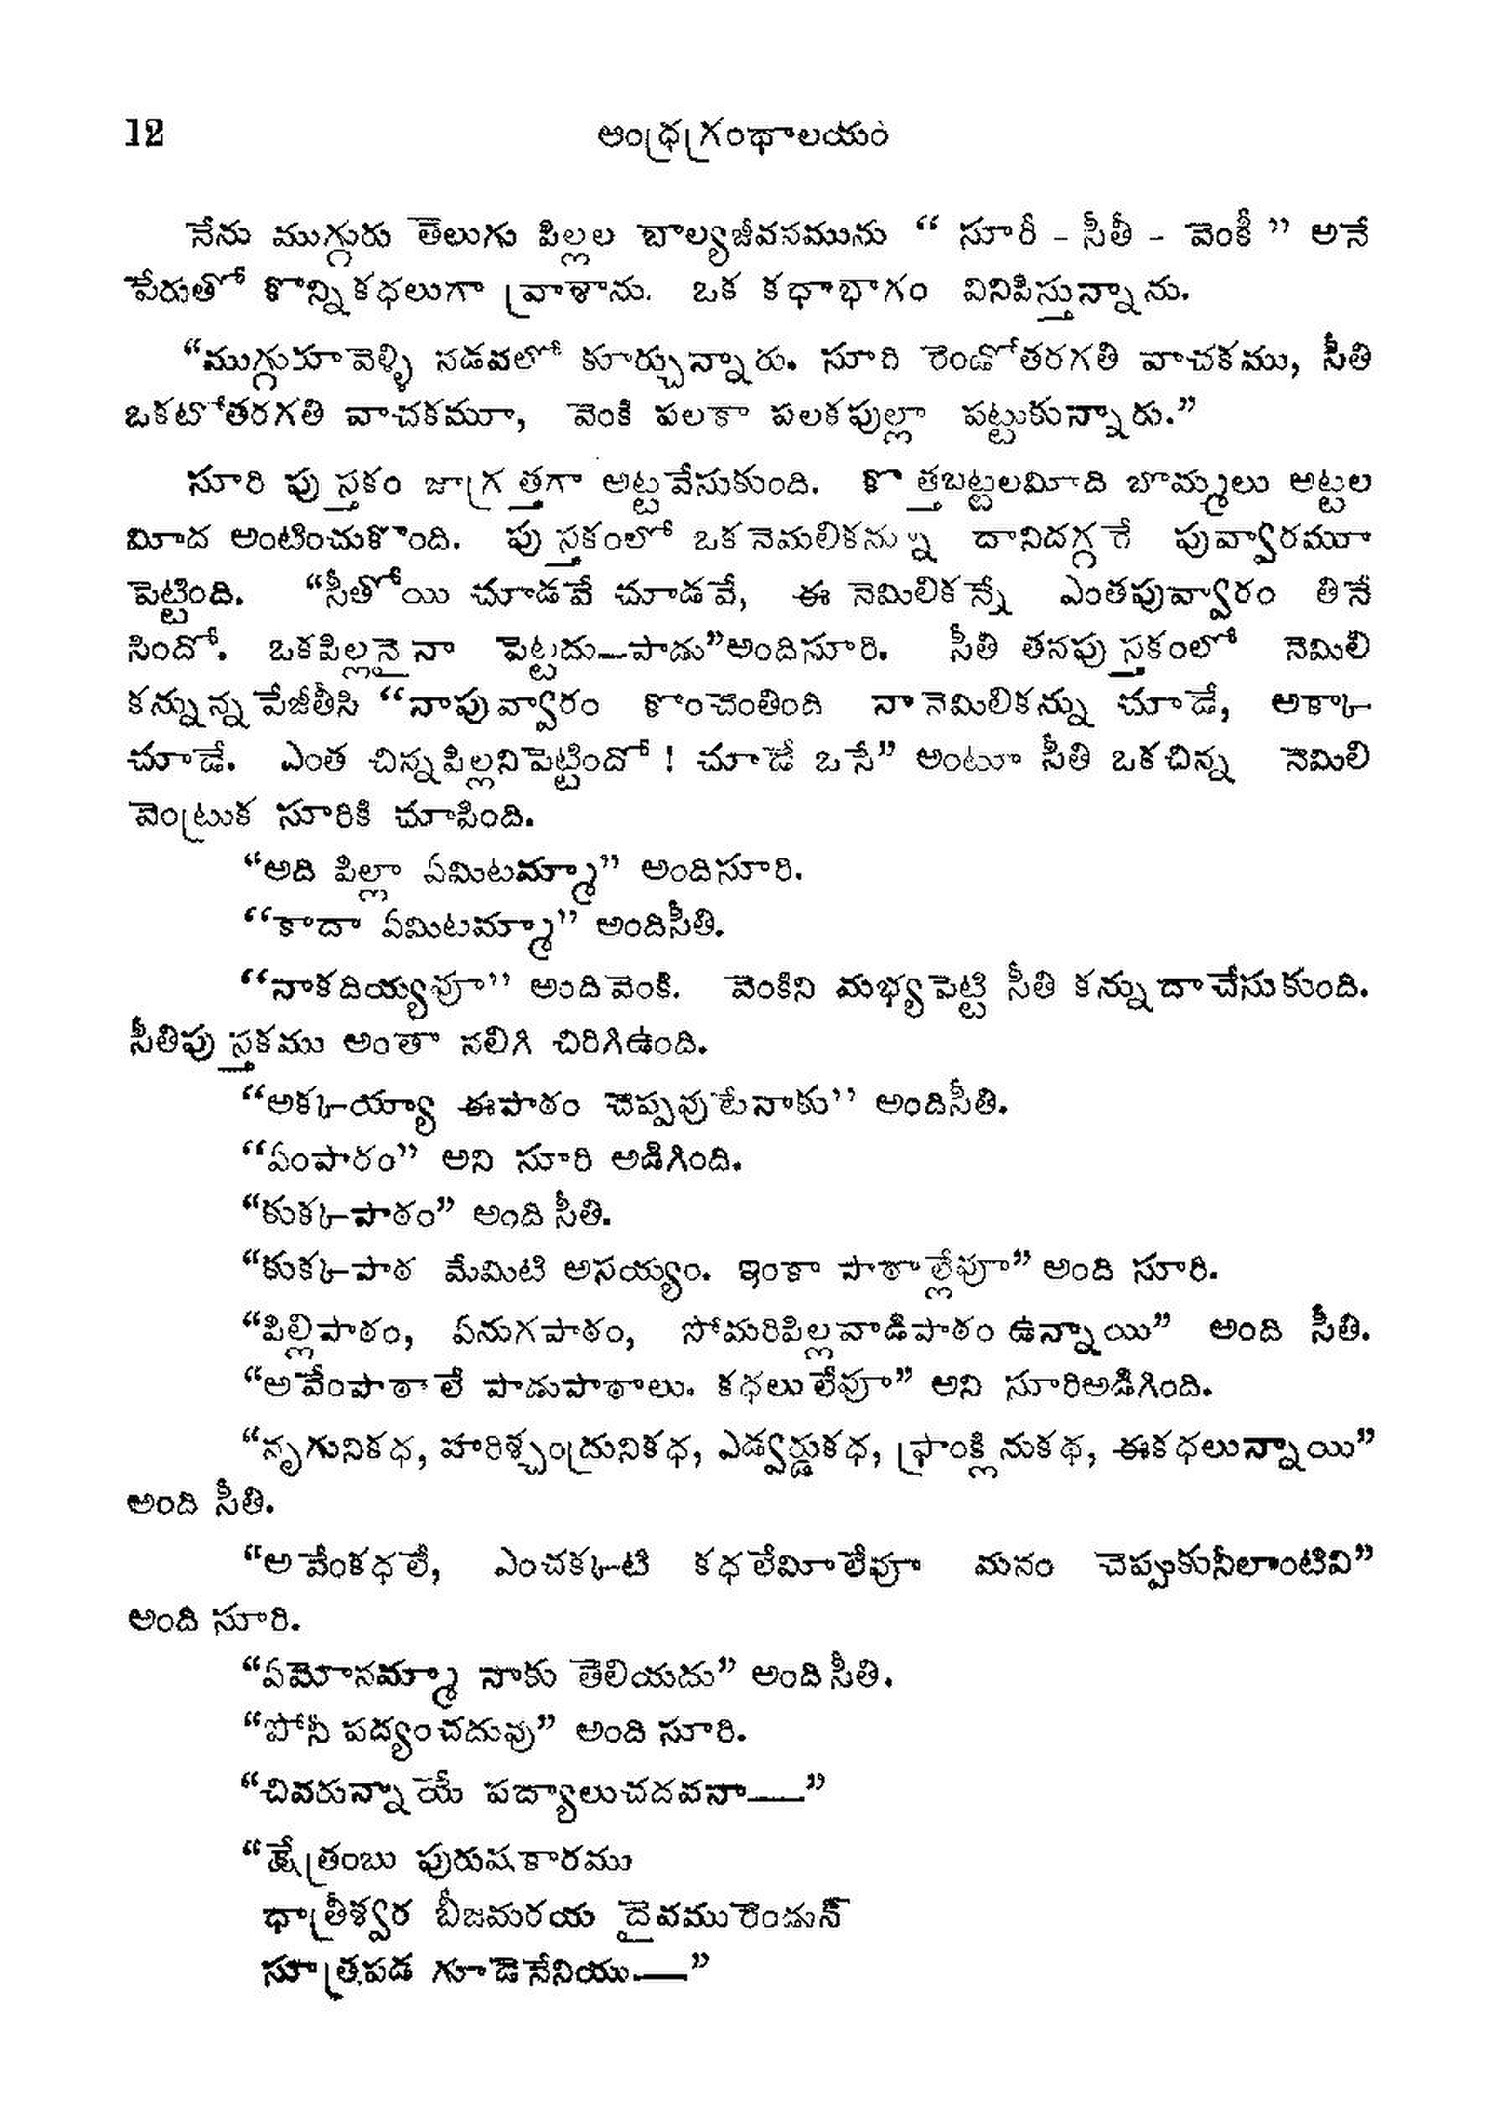నేను ముగ్గురు తెలుగు పిల్లల బాల్యజీవనమును "సూరీ - సీతీ - వెంకీ " అనే పేరుతో కొన్నికధలుగా వ్రాశాను. ఒక కధాభాగం వినిపిస్తున్నాను.

“ముగ్గురూవెళ్ళి నడవలో కూర్చున్నారు. సూరి రెండోతరగతి వాచకము, సీతి ఒకటోతరగతి వాచకమూ, వెంకి పలకా పలకపుల్లా పట్టుకున్నారు.”

సూరి పుస్తకం జాగ్రత్తగా అట్ట వేసుకుంది. కొత్తబట్టలవిూది బొమ్మలు అట్టల విూద అంటించుకొంది. పుస్తకంలో ఒక నెమలికన్ను 
దానిదగ్గరే పువ్వారమూ పెట్టింది. "సీతోయి చూడవే చూడవే, ఈ నెమిలికన్నే ఎంతపువ్వారం తినే సిందో. ఒక పిల్లనైనా పెట్టదు - పాడు” అంది సూరి. సీతి తనపు స్తకంలో నెమిలి కన్నున్న పేజీతీసి “నాపువ్వారం కొంచెంతింది నా నెమిలికన్ను చూడే, అక్కా చూడే. ఎంత చిన్న పిల్లని పెట్టిందో! చూడే ఒసే" అంటూ సీతి ఒక చిన్న నెమిలి వెంట్రుక సూరికి చూపింది.
“అది పిల్లా ఏమిటమ్మా" అంది సూరి.
"కాదా ఏమిటమ్మా" అందిసీతి.
“నాకదియ్యవూ" అంది వెంకి. వెంకిని మభ్య పెట్టి సీతి కన్ను దాచేసుకుంది. సీతి పుస్తకము అంతా నలిగి చిరిగిఉంది. 
“అక్కయ్యా ఈ పాఠం చెప్పవుటేనాకు” అంది సీతి.
“ఏం పాఠం" అని సూరి అడిగింది.
“కుక్క పాఠం” అంది సీతి.
“కుక్కపాఠ మేమిటి అసయ్యం. ఇంకా పాఠాల్లేవూ” అంది సూరి.
“పిల్లి పాఠం, ఏనుగ పాఠం, సోమరిపిల్లవాడి పాఠం ఉన్నాయి” అంది సీతి.
"అవేంపాఠాలే పాడుపాఠాలు. కధలు లేవూ” అని సూరి అడిగింది.
“నృగునికధ, హరిశ్చంద్రునికథ, ఎడ్వర్డుకధ, ఫ్రాంక్లినుకథ, ఈకధలున్నాయి” అంది సీతి.
"అ వేంకధలే, ఎంచక్కటి కథలేమీ లేవూ మనం చెప్పుకునీలాంటివి” అంది సూరి.
“ఏమోనమ్మా నాకు తెలియదు” అంది సీతి.
“పోనీ పద్యం చదువు” అంది సూరి.
“చివరున్నాయే పద్యాలు చదవనా ___
"క్షేత్రంబు పురుషకారము
ధాత్రీశ్వర బీజమరయ దైవమురెండున్
 సూత్రపడ గూడెనేనియు ___"